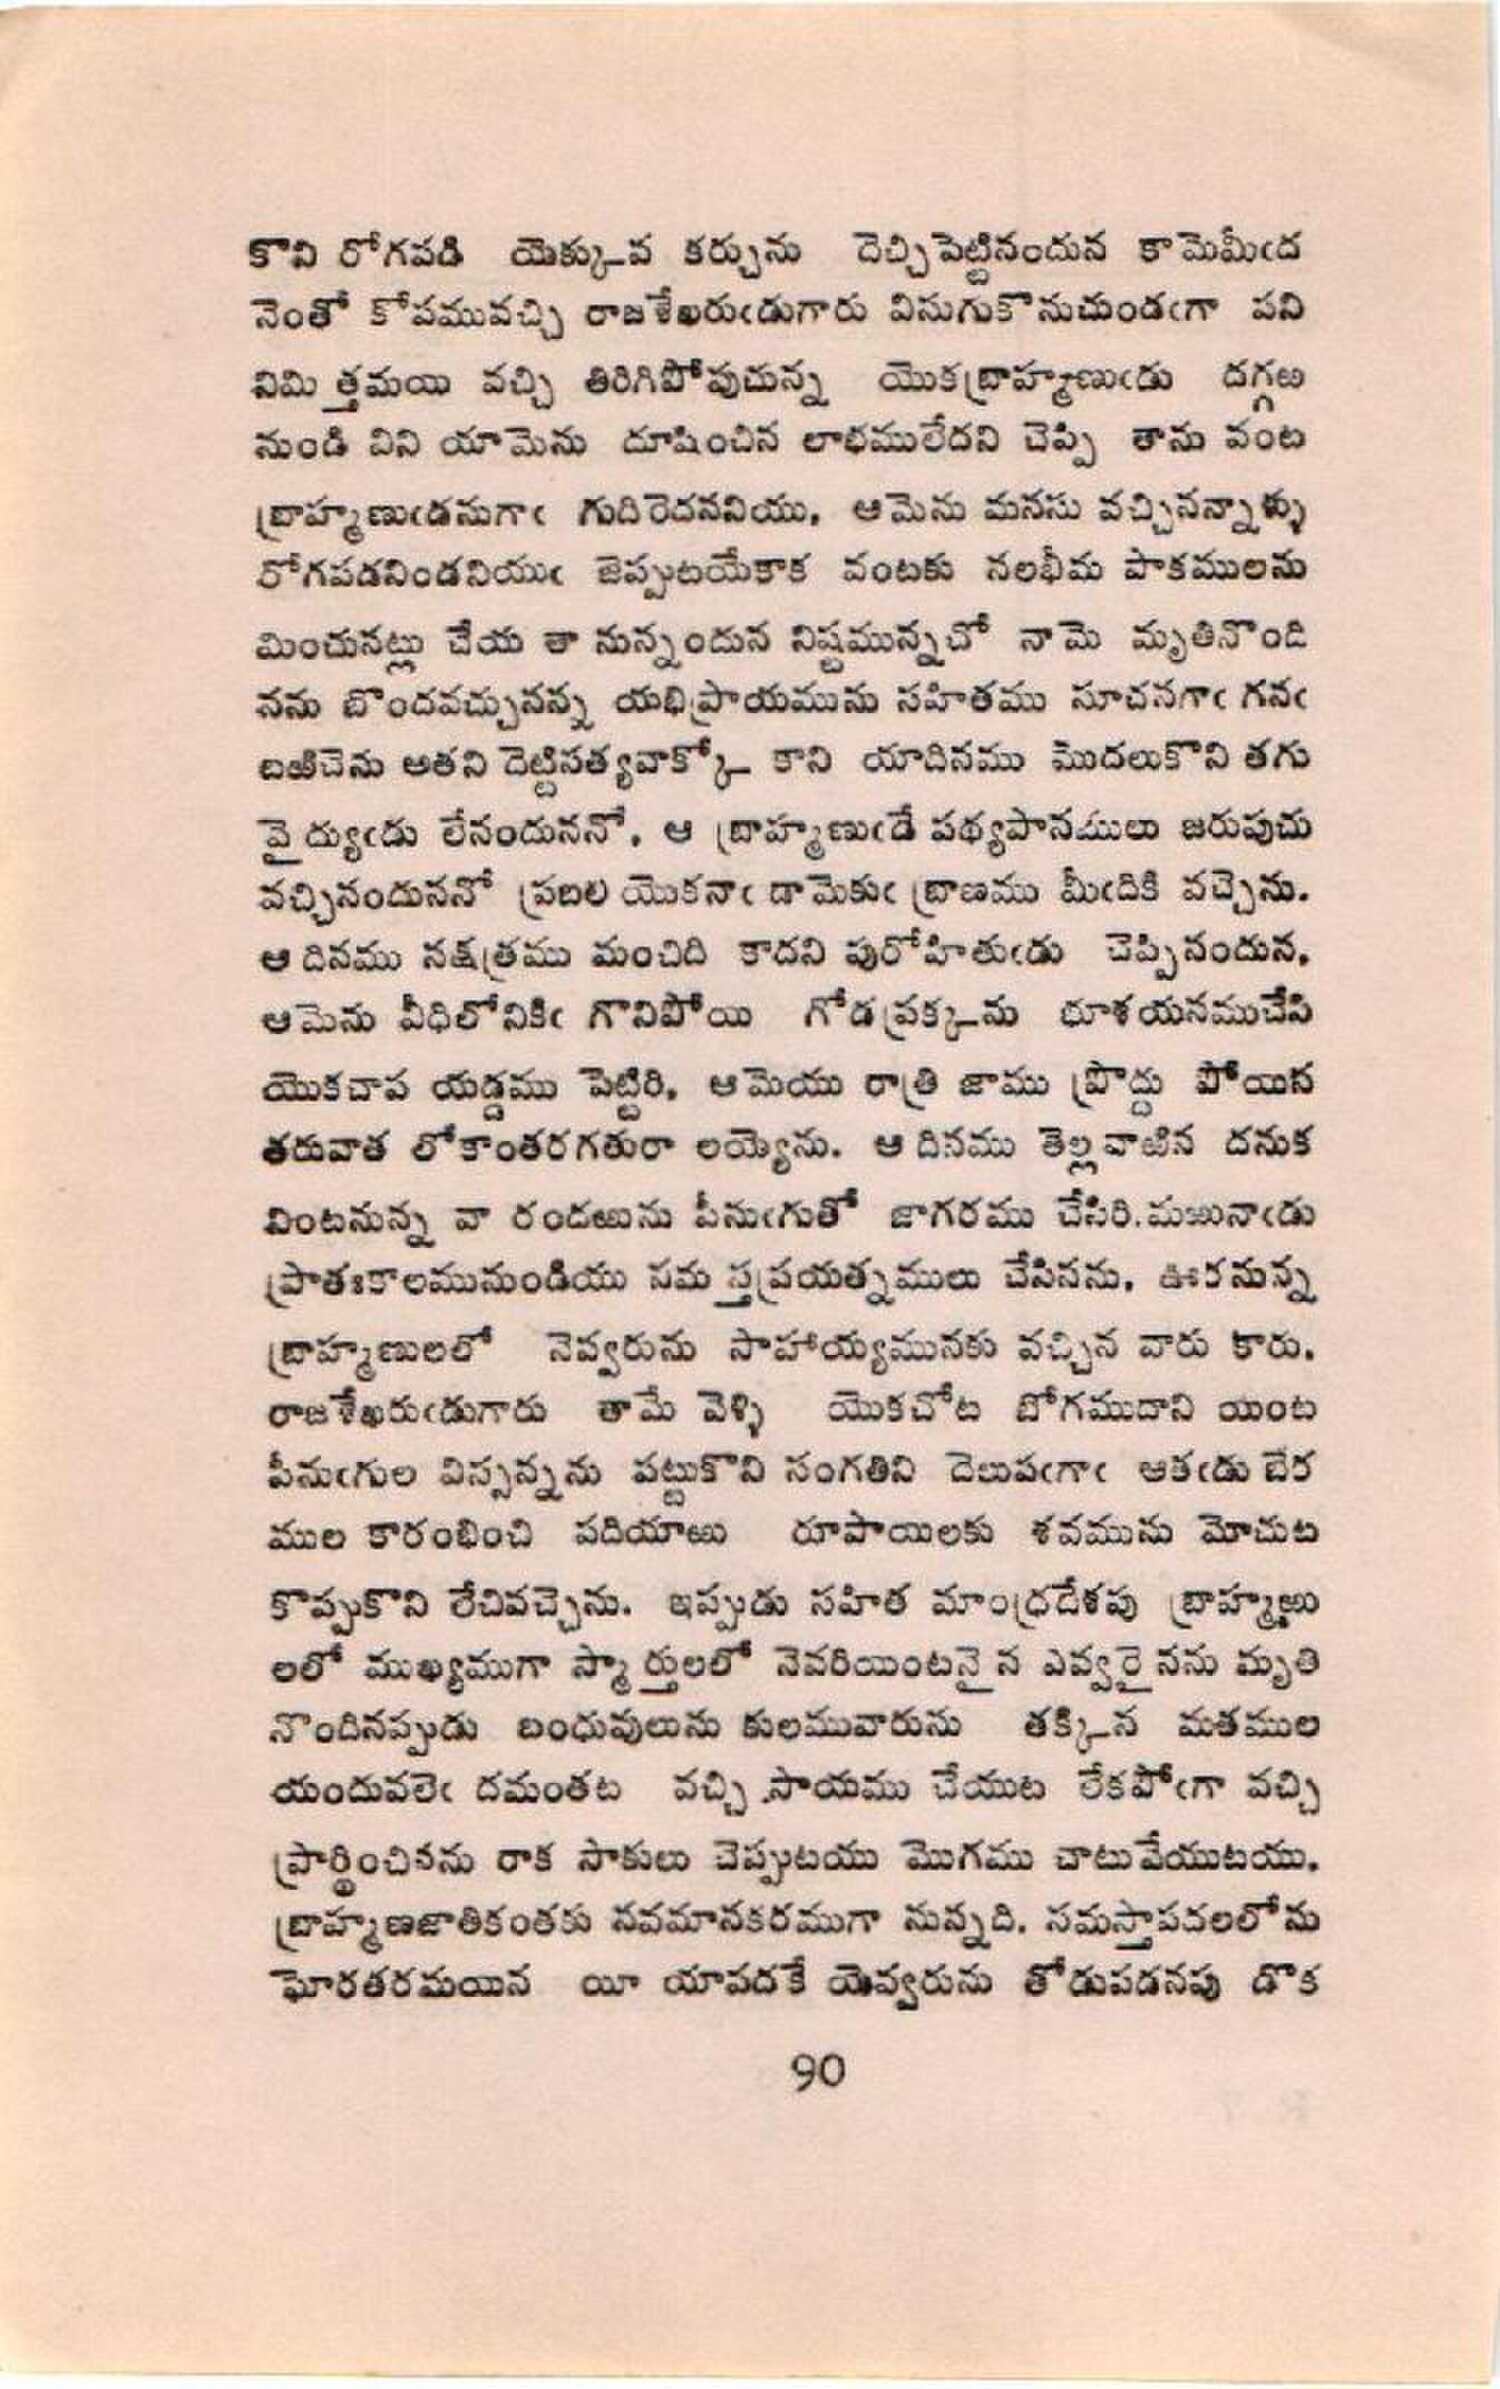కొని రోగపడి యొక్కువ కర్చును దెచ్చిపెట్టినందున కామెమీఁద నెంతో కోపము వచ్చి రాజశేఖరుఁడుగారు విసుగుకొనుచుండఁగా పని నిమిత్తమయి వచ్చి తిరిగిపోవుచున్న యొక బ్రాహ్మణుఁడు దగ్గఱ నుండి విని యామెను దూషించిన లాభములేదని చెప్పి తాను వంట బ్రాహ్మణుఁడనుగా గుదిరెదననియు, ఆమెను మనసు వచ్చినన్నాళ్ళు రోగపడనిండనియుఁ జెప్పుటయేకాక వంటకు నలభీమ పాకములను మించునట్లు చేయ తానున్నందున నిష్టమున్నచో నామె మృతినొంది నను బొందవచ్చునన్న యభిప్రాయమును సహితము సూచనగాఁ గనఁ బఱిచెను అతని దెట్టిసత్యవాక్కో కాని యాదినము మొదలుకొని తగు వైద్యుఁడు లేనందుననో, ఆ బ్రాహ్మణుఁడే పథ్యపానములు జరుపుచు వచ్చినందుననో ప్రబల యొకనాఁ డామెకుఁ బ్రాణము మీఁదికి వచ్చెను. ఆ దినము నక్షత్రము మంచిది కాదని పురోహితుఁడు చెప్పినందున, ఆమెను వీధిలోనికిఁ గొనిపోయి గోడప్రక్కను భూశయనముచేసి యొకచాప యడ్డము పెట్టిరి, ఆమెయు రాత్రి జాము ప్రొద్దు పోయిన తరువాత లోకాంతరగతురా లయ్యెను. ఆ దినము తెల్లవాఱిన దనుక వింటనున్న వా రందఱును పీనుఁగుతో జాగరము చేసిరి. మఱునాఁడు ప్రాతఃకాలమునుండియు సమస్తప్రయత్నములు చేసినను, ఊరనున్న బ్రాహ్మణులలో నెవ్వరును సాహాయ్యమునకు వచ్చిన వారు కారు. రాజశేఖరుఁడుగారు తామే వెళ్ళి యొకచోట బోగముదాని యింట పీనుఁగుల విస్సన్నను పట్టుకొని సంగతిని దెలుపఁగాఁ ఆతఁడు బేరముల కారంభించి పదియాఱు రూపాయిలకు శవమును మోచుట కొప్పుకొని లేచివచ్చెను. ఇప్పుడు సహిత మాంధ్రదేశపు బ్రాహ్మణులలో ముఖ్యముగా స్మార్తులలో నెవరియింటనైన ఎవ్వరైనను మృతినొందినప్పుడు బంధువులును కులమువారును తక్కిన మతముల యందువలె దమంతట వచ్చి సాయము చేయుట లేకపోఁగా వచ్చి ప్రార్థించినను రాక సాకులు చెప్పుటయు మొగము చాటువేయుటయు బ్రాహ్మణజాతి కంతకు 
నవమానకరముగా నున్నది. సమస్తాపదలలోను ఘోరతరమయిన యీ యాపదకే యెవ్వరును తోడుపడనపు డొక